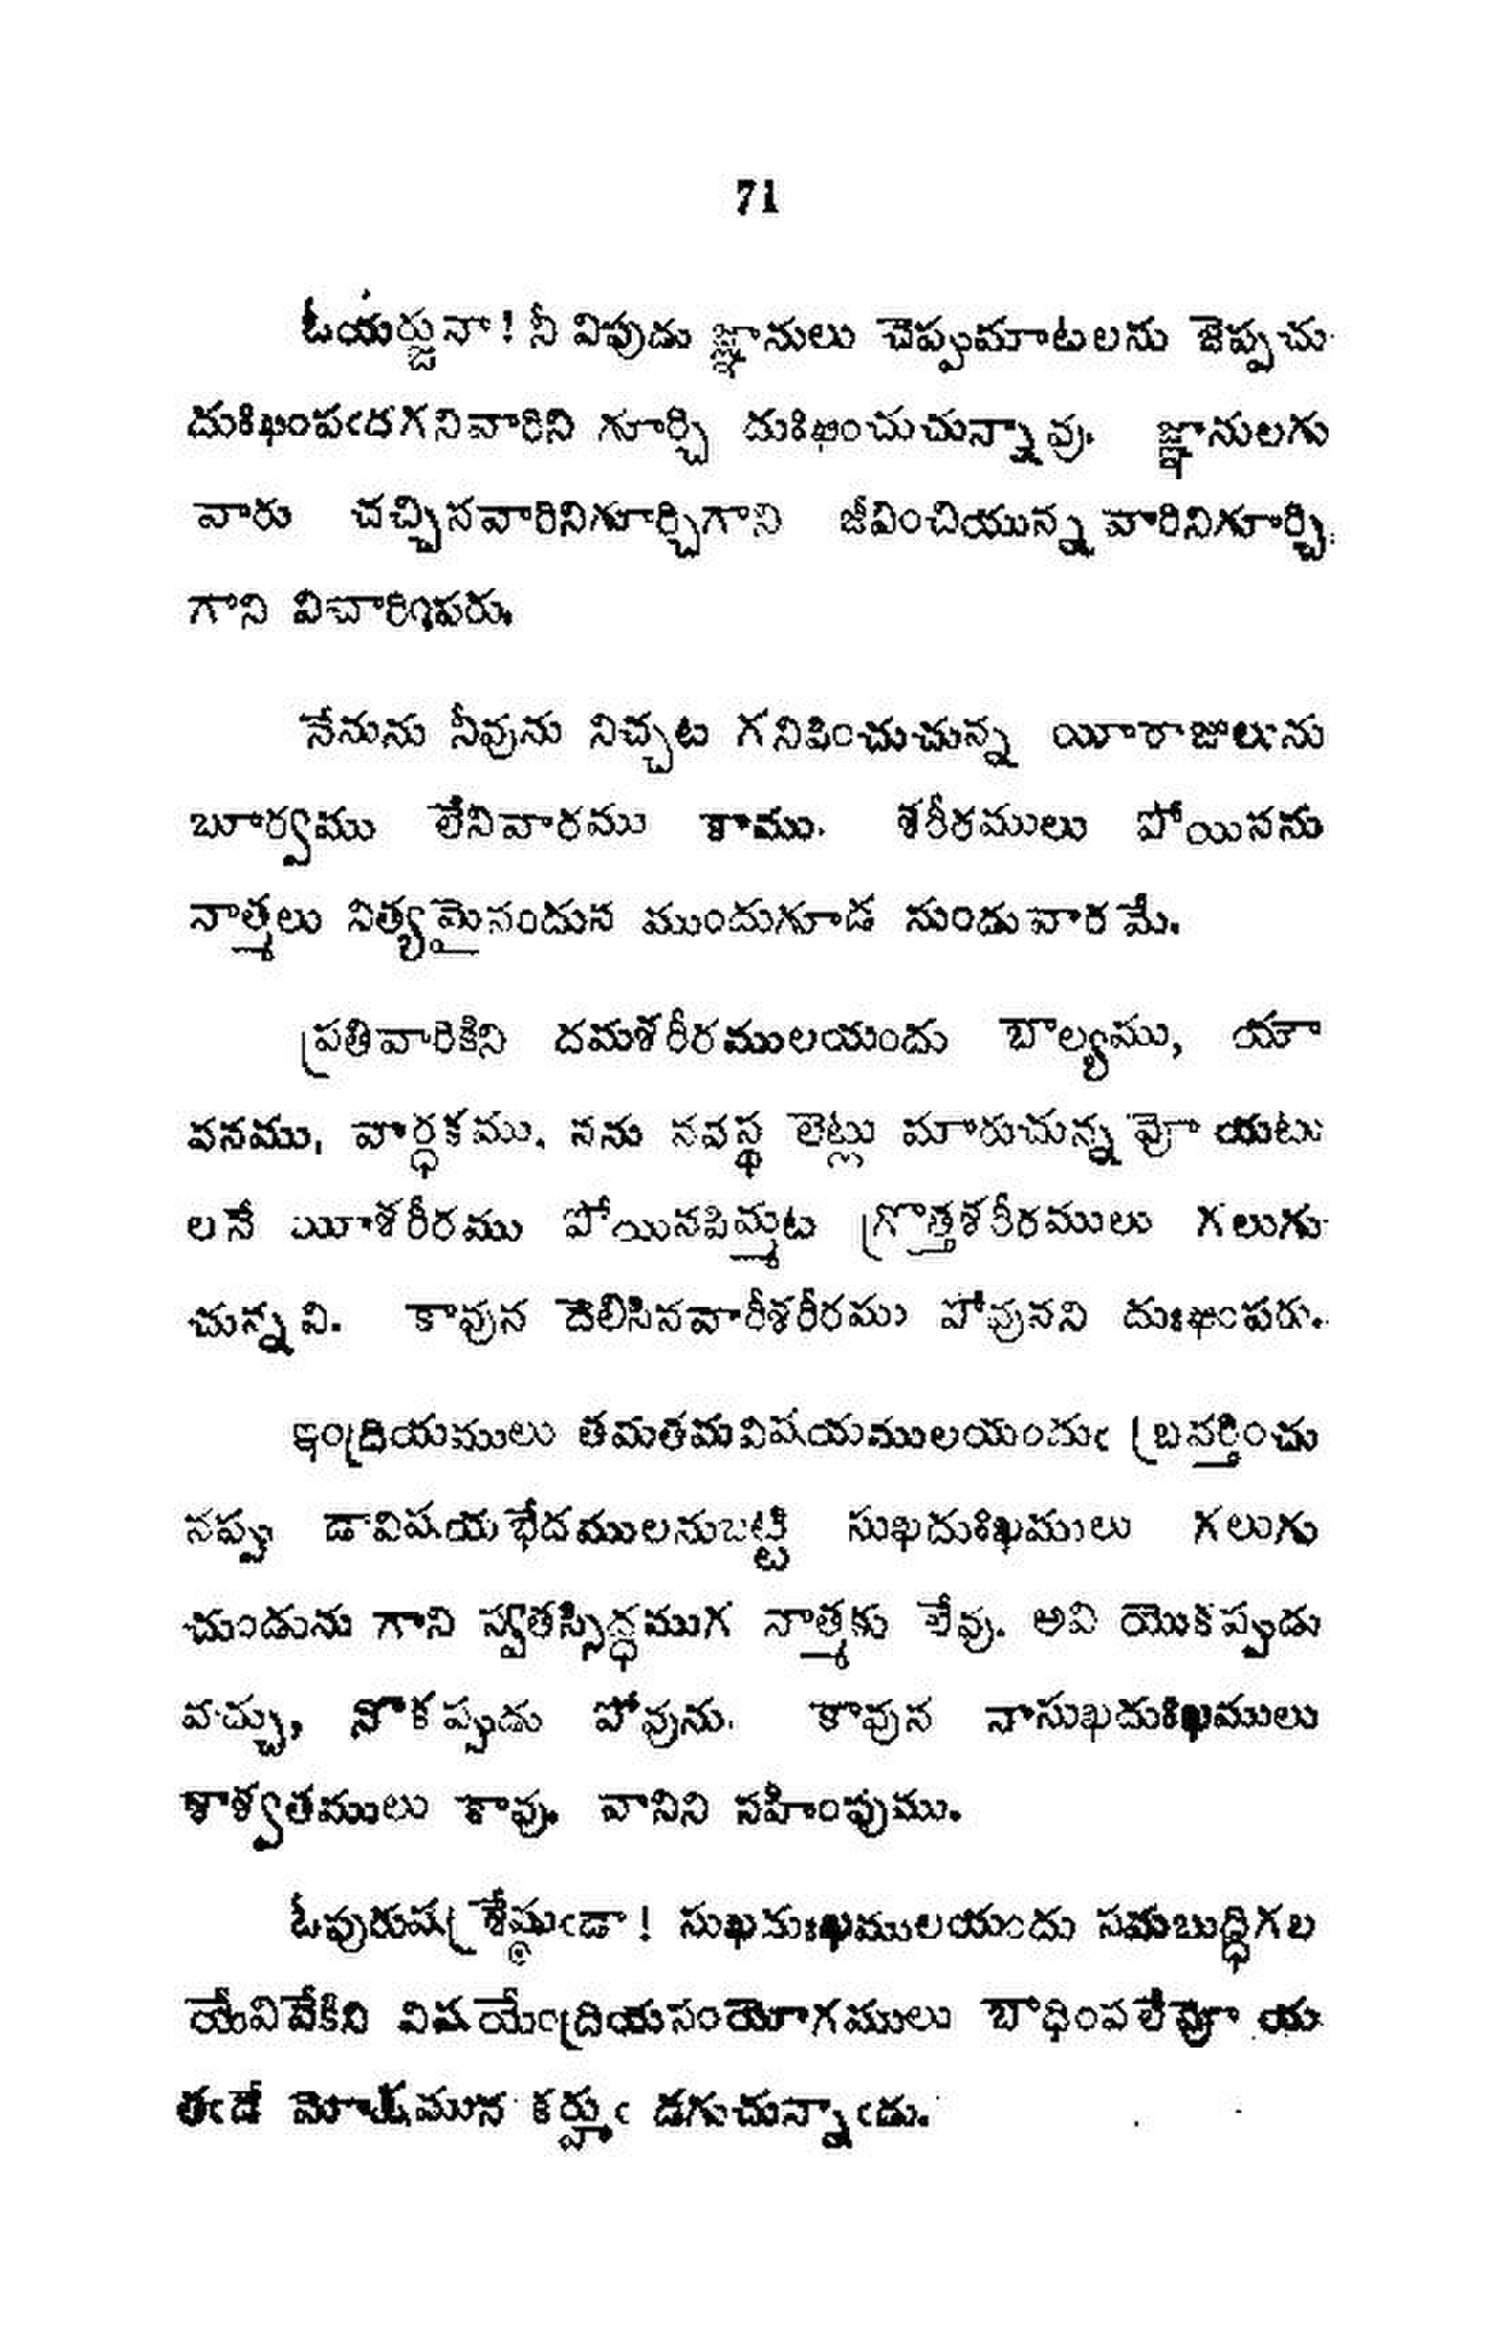ఓయర్జునా ! నీ విపుడు జ్ఞానులు చెప్పుమాటలను జెప్పచు దుఃఖింపఁదగనివారిని గూర్చి దుఃఖించుచున్నావు. జ్ఞానులగు వారు చచ్చినవారినిగూర్చిగాని జీవించియున్నవారినిగూర్చి గాని విచారింపరు

నేనును నీవును నిచ్చట గనిపించుచున్న యీరాజులును బూర్వము లేనివారము కాము.
శరీరములు పోయినను నాత్మలు నిత్యమైనందున ముందుగూడ నుండువారమే.

ప్రతివారికిని దమశరీరములయందు బాల్యము, యౌవనము, వార్ధకము, నను నవస్థ లెట్లు మారుచున్నవో యటులనే యీశరీరము పోయినపిమ్మట గ్రొత్తశరీరములు గలుగుచున్నవి. కావున దెలిసినవారీశరీరము పోవునని దుఃఖింపరు.

ఇంద్రియములు తమతమవిషయములయందుఁ బ్రవర్తించునప్పు డావిషయభేదములనుబట్టి సుఖదుఃఖములు గలుగుచుండును గాని స్వతస్సిద్ధముగ నాత్మకు లేవు. అవి యొకప్పుడు
వచ్చు, నొకప్పుడు పోవును. కావున నాసుఖదుఃఖములు శాశ్వతములు కావు. వానిని సహింపుము.

ఓపురుషశ్రేష్ఠుఁడా ! సుఖముఃఖములయందు సమబుద్ధిగల యేవివేకిని విషయేంద్రియ సంయోగములు బోధింపలేవో యతఁడే మోక్షమున కర్హుఁ డగుచున్నాఁడు.